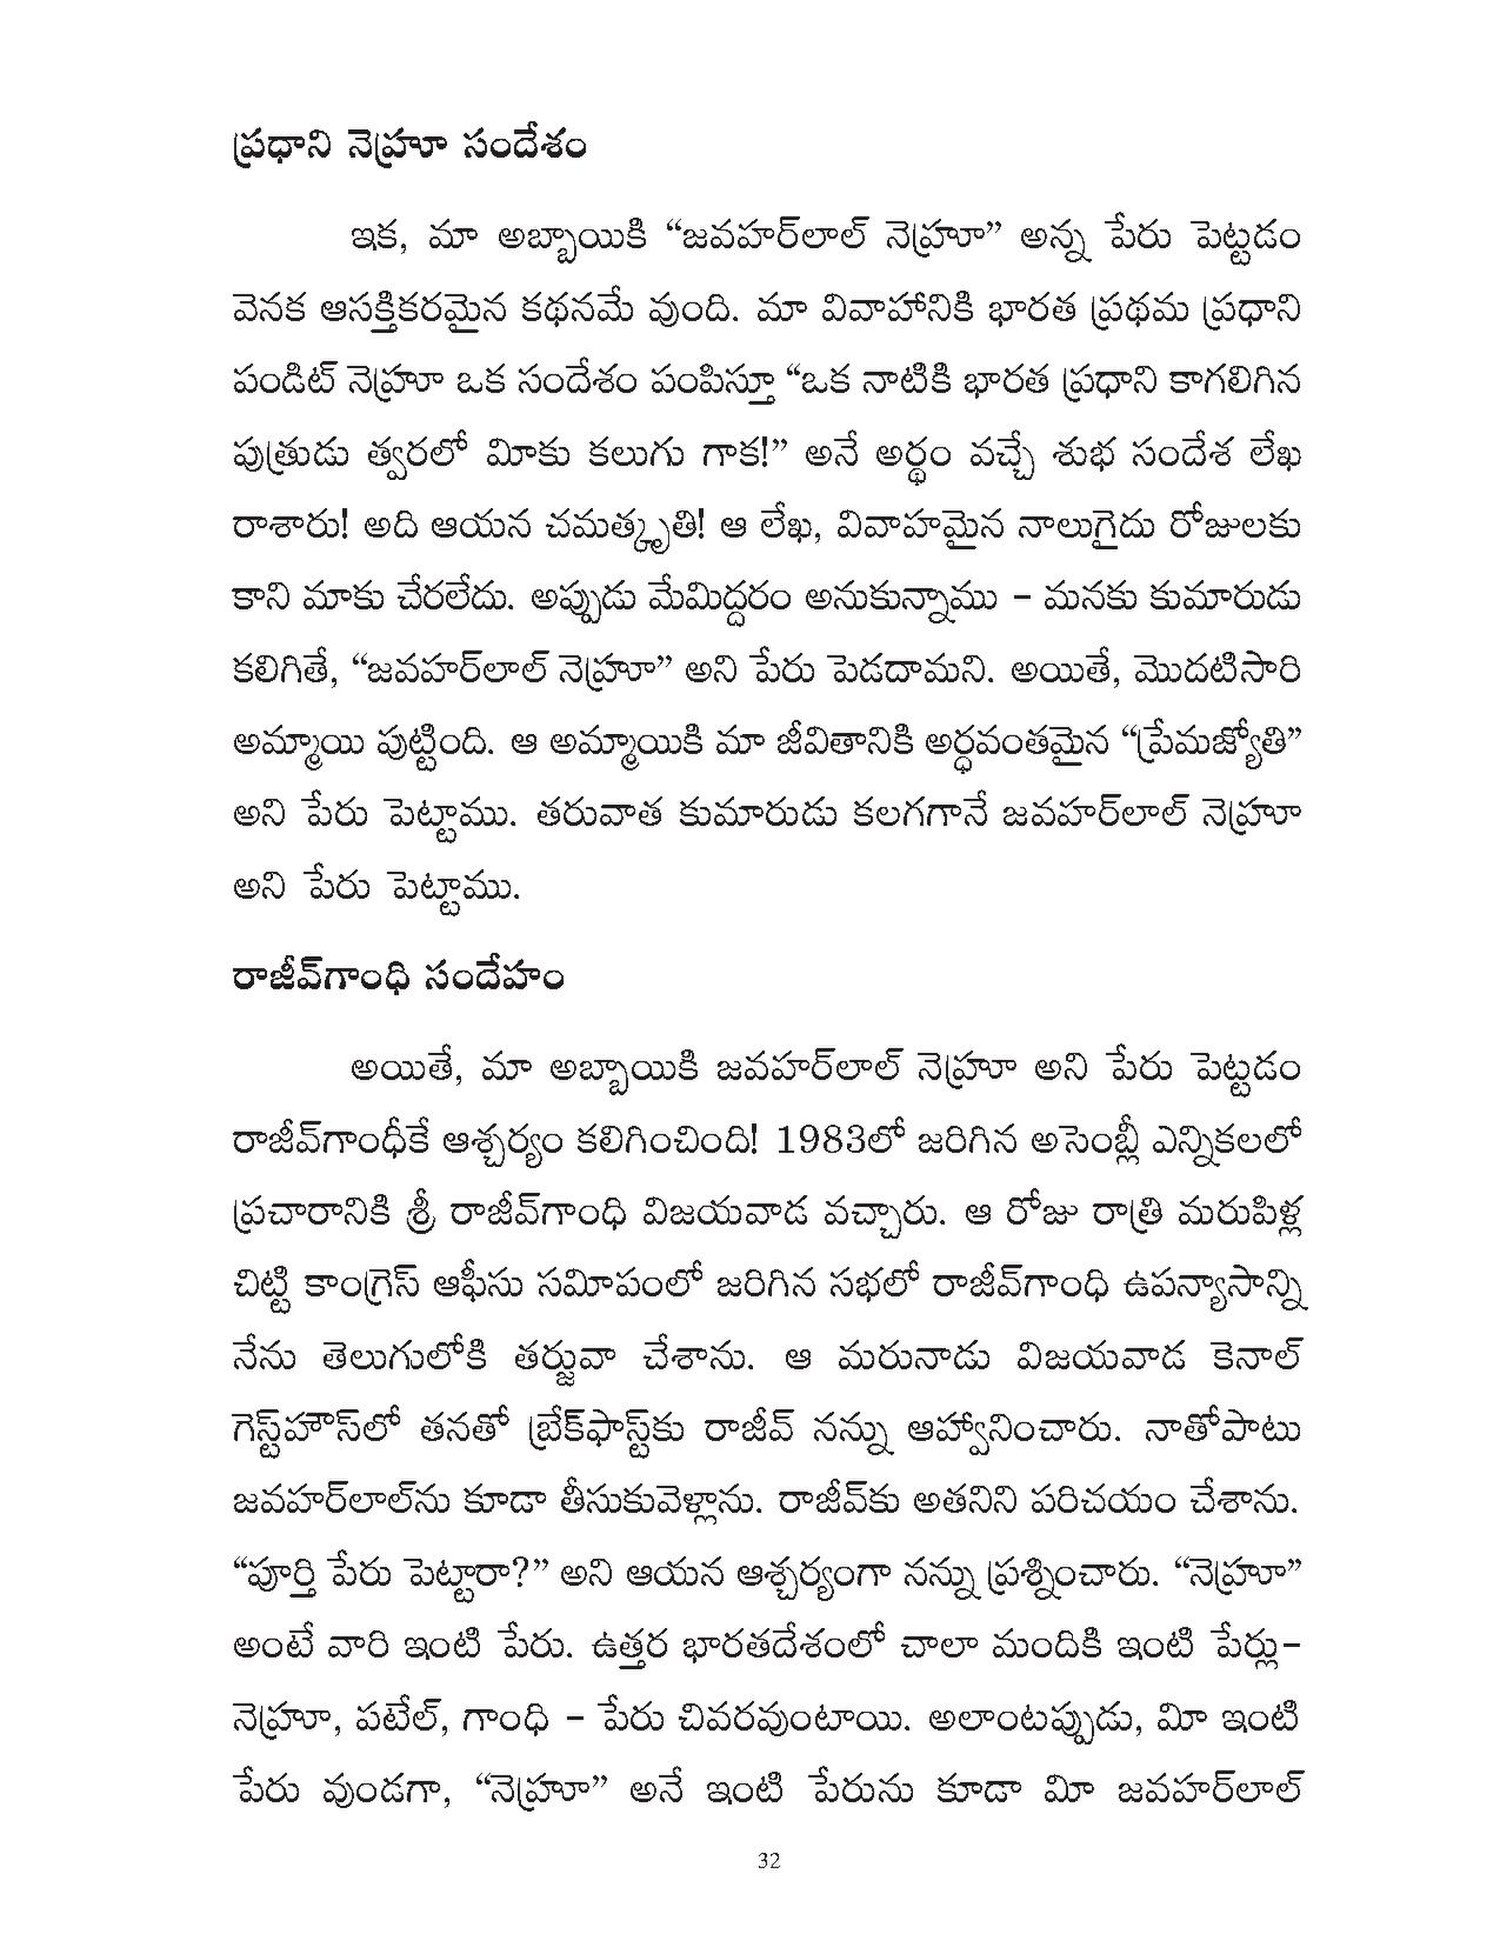ప్రధాని నెహ్రూ సందేశం
ఇక, మా అబ్బాయికి "జవహర్‌లాల్‌ నెహ్రూ" అన్న పేరు పెట్టడం
వెనక ఆసక్తికరమైన కథనమే వుంది. మా వివాహానికి భారత ప్రథమ ప్రధాని
పండిట్‌ నెహ్రూ ఒక సందేశం పంపిస్తూ "ఒక నాటికి భారత ప్రధాని కాగలిగిన
పుత్రుడు త్వరలో మీకు కలుగు గాక!" అనే అర్థం వచ్చే శుభ సందేశ లేఖ
రాశారు! అది ఆయన చమత్కృతి! ఆ లేఖ, వివాహమైన నాలుగైదు రోజులకు
కాని మాకు చేరలేదు. అప్పుడు మేమిద్దరం అనుకున్నాము - మనకు కుమారుడు
కలిగితే, "జవహర్‌లాల్‌ నెహ్రూ" అని పేరు పెడదామని. అయితే, మొదటిసారి
అమ్మాయి పుట్టింది. ఆ అమ్మాయికి మా జీవితానికి అర్ధవంతమైన "ప్రేమజ్యోతి"
అని పేరు పెట్టాము. తరువాత కుమారుడు కలగగానే జవహర్‌లాల్‌ నెహ్రూ
అని పేరు పెట్టాము.
రాజీవ్‌గాంధి సందేహం
అయితే, మా అబ్బాయికి జవహర్‌లాల్‌ నెహ్రూ అని పేరు పెట్టడం
రాజీవ్‌గాంధీకే ఆశ్చర్యం కలిగించింది! 1983లో జరిగిన అసెంబ్లీ ఎన్నికలలో
ప్రచారానికి శ్రీ రాజీవ్‌గాంధి విజయవాడ వచ్చారు. ఆ రోజు రాత్రి మరుపిళ్ల
చిట్టి కాంగ్రెస్‌ ఆఫీసు సమీపంలో జరిగిన సభలో రాజీవ్‌గాంధి ఉపన్యాసాన్ని
నేను తెలుగులోకి తర్జుమా చేశాను. ఆ మరునాడు విజయవాడ కెనాల్‌
గెస్ట్‌హౌస్‌లో తనతో బ్రేక్‌ఫాస్ట్‌కు రాజీవ్‌ నన్ను ఆహ్వానించారు. నాతోపాటు
జవహర్‌లాల్‌ను కూడా తీసుకువెళ్లాను. రాజీవ్‌కు అతనిని పరిచయం చేశాను.
"పూర్తి పేరు పెట్టారా?" అని ఆయన ఆశ్చర్యంగా నన్ను ప్రశ్నించారు. "నెహ్రూ"
అంటే వారి ఇంటి పేరు. ఉత్తర భారతదేశంలో చాలా మందికి ఇంటి పేర్లు-
నెహ్రూ, పటేల్‌, గాంధి - పేరు చివరవుంటాయి. అలాంటప్పుడు, మీ ఇంటి
పేరు వుండగా, "నెహ్రూ" అనే ఇంటి పేరును కూడా మీ జవహర్‌లాల్‌